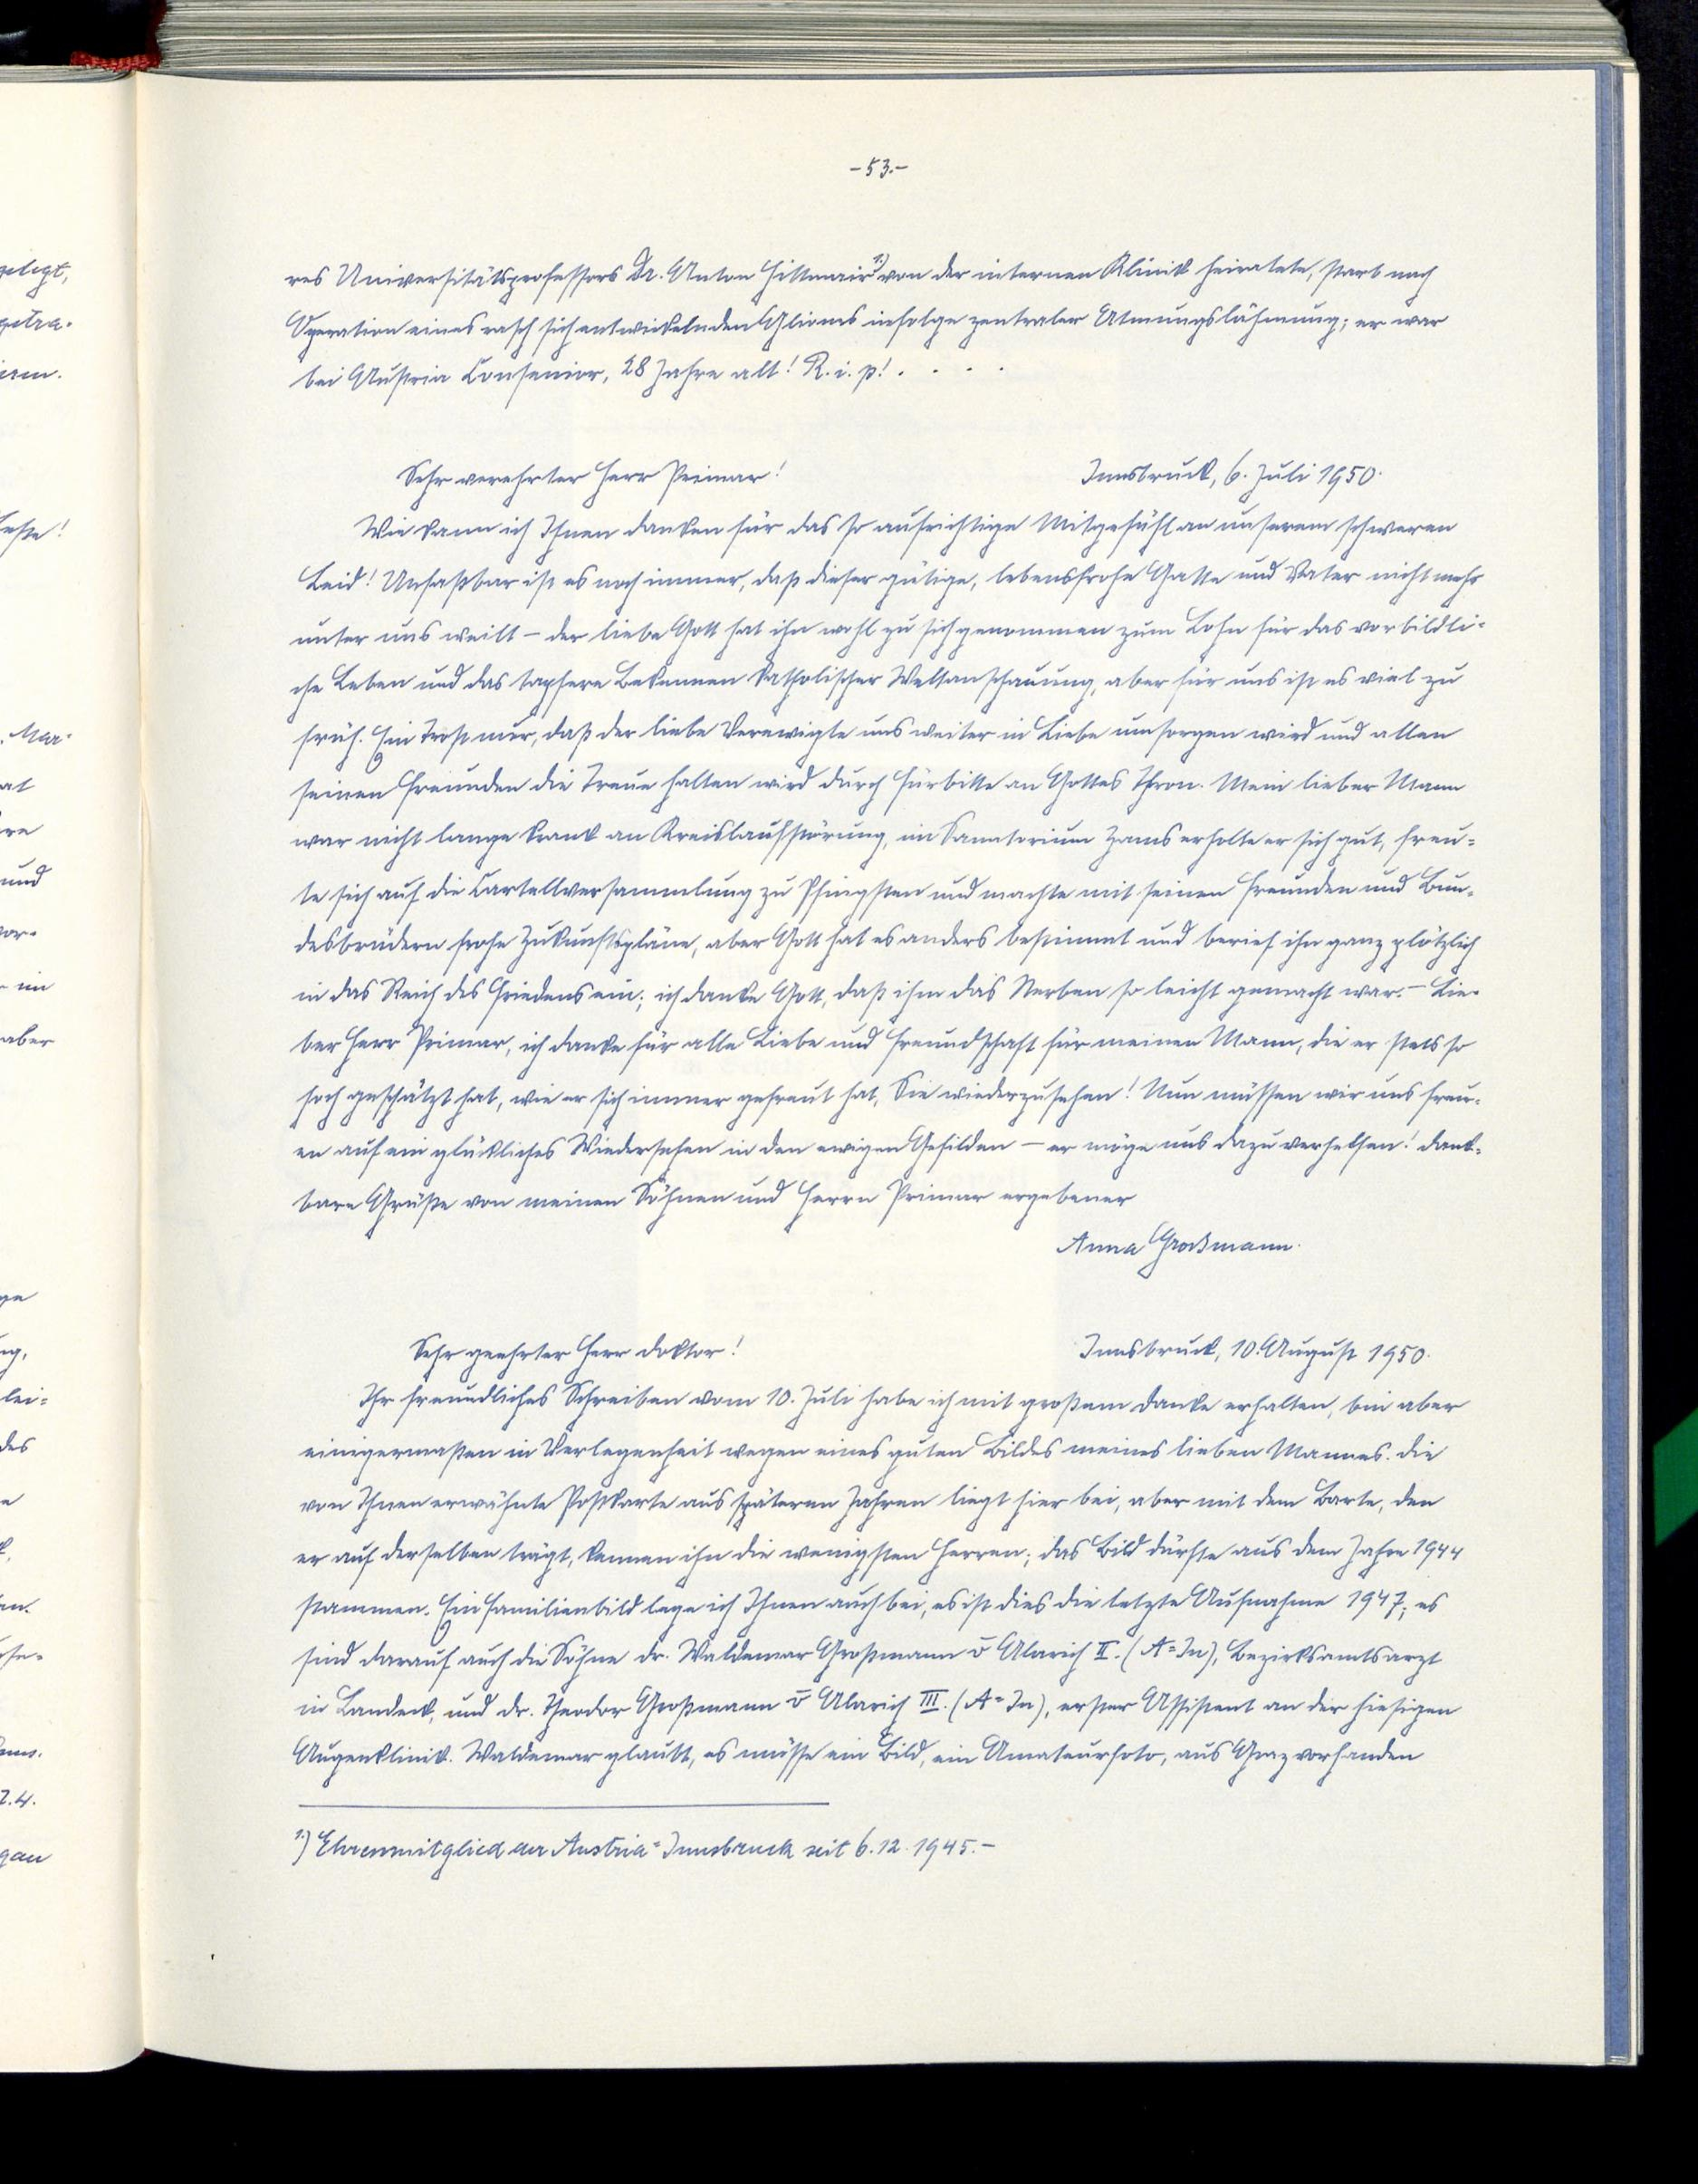53
res Universitätsprofessors Dr. Anton Hittmair von der internen Klinik heiratete, starb nach
Operation eines rasch sich entwickelnden Glions infolge zu zentraler Atmungslähmung, er war
bei Austria Consenior, 28 Jahre alt! R.i.P!
Innsbruck, 6. Juli 1950
Sehr geehrter Herr Primar!
Wie kann ich Ihnen danken für das so aufrichtige Mitgefühl an unserem schweren
Leid! Unfassbar ist es noch immer, dass dieser gütige, lebensfrohe Gatte und Vater nicht mehr
unter uns weilt - der liebe Gott hat ihn wohl zu sich genommen zum Lohn für das vorbildli-
che Leben und des tapferen Bekennen katholischer Weltanschauung, aber für uns ist es viel zu
früh. Ein Trost nur, daß der liebe Verewigte uns weiter in Liebe umsorgen wird und allen
seinen Freunden die Treue halten wird durch Fürbitte an Gottes Thron. Mein lieber Mann
war nicht lange krank an Kreislaufstörung, im Sanatoriums Zams erholte er sich gut, freu-
te sich auf die Cartellversammlung zu Pfingsten und machte mit seinen Freunden und Bun-
desbrüdern frohe Zukunftspläne, aber Gott hat anders bestimmt und berief ihn ganz plötzlich
in das Reich des Friedens ein; ich danke Gott, dass ihm das Sterben so leicht gemacht war.- Lie-
ber Herr Primar, ich danke für alle Liebe und Freundschaft für meinen Mann, die er selbst so
hoch geschätzt hat, wie er sich immer gefreut hat, Sie wiederzusehen! Nun müssen wir uns freu-
en auf ein glückliches Wiedersehen in den ewigen Gefilden- er möge uns dazu verhelfen! Dank-
bare Grüße von meinem Sohne und Herren Primar ergebener
Anna Großmann
Sehr geehrter Herr Doktor!
Innsbruck, 10. August 1950.
Ihr freundliches Schreiben vom 10. Juli habe ich mit großem Danke erhalten, bin aber
einigermaßen in Verlegenheit wegen eines guten Bildes meines lieben Mannes. Die
von ihnen erwünschte Postkarte aus späteren Jahren liegt hier bei, aber mit dem Barte, den
er auf derselben trägt, kennen ihn die wenigsten Herren; Das Bild dürfte aus dem Jahre 1944
stammen. Ein Familienbild lege ich Ihnen auch bei, es ist dies die letzte Aufnahme 1947; es sind
darauf auch die Söhne Dr. Waldemar Großmann v/o Alarich II ( A-In), Bezirksamtsarzt
in Landeck, und Dr. Theodor Großmann v/o Alarich III (A-In), erster Assistent an der hiesigen
Augenklinik. Waldemar glaubt, es müsse ein Bild, ein Amateurfoto, aus Graz vorhanden
1) Ehrenmitglied der Austria-Innsbruck seit 6.12.1945.